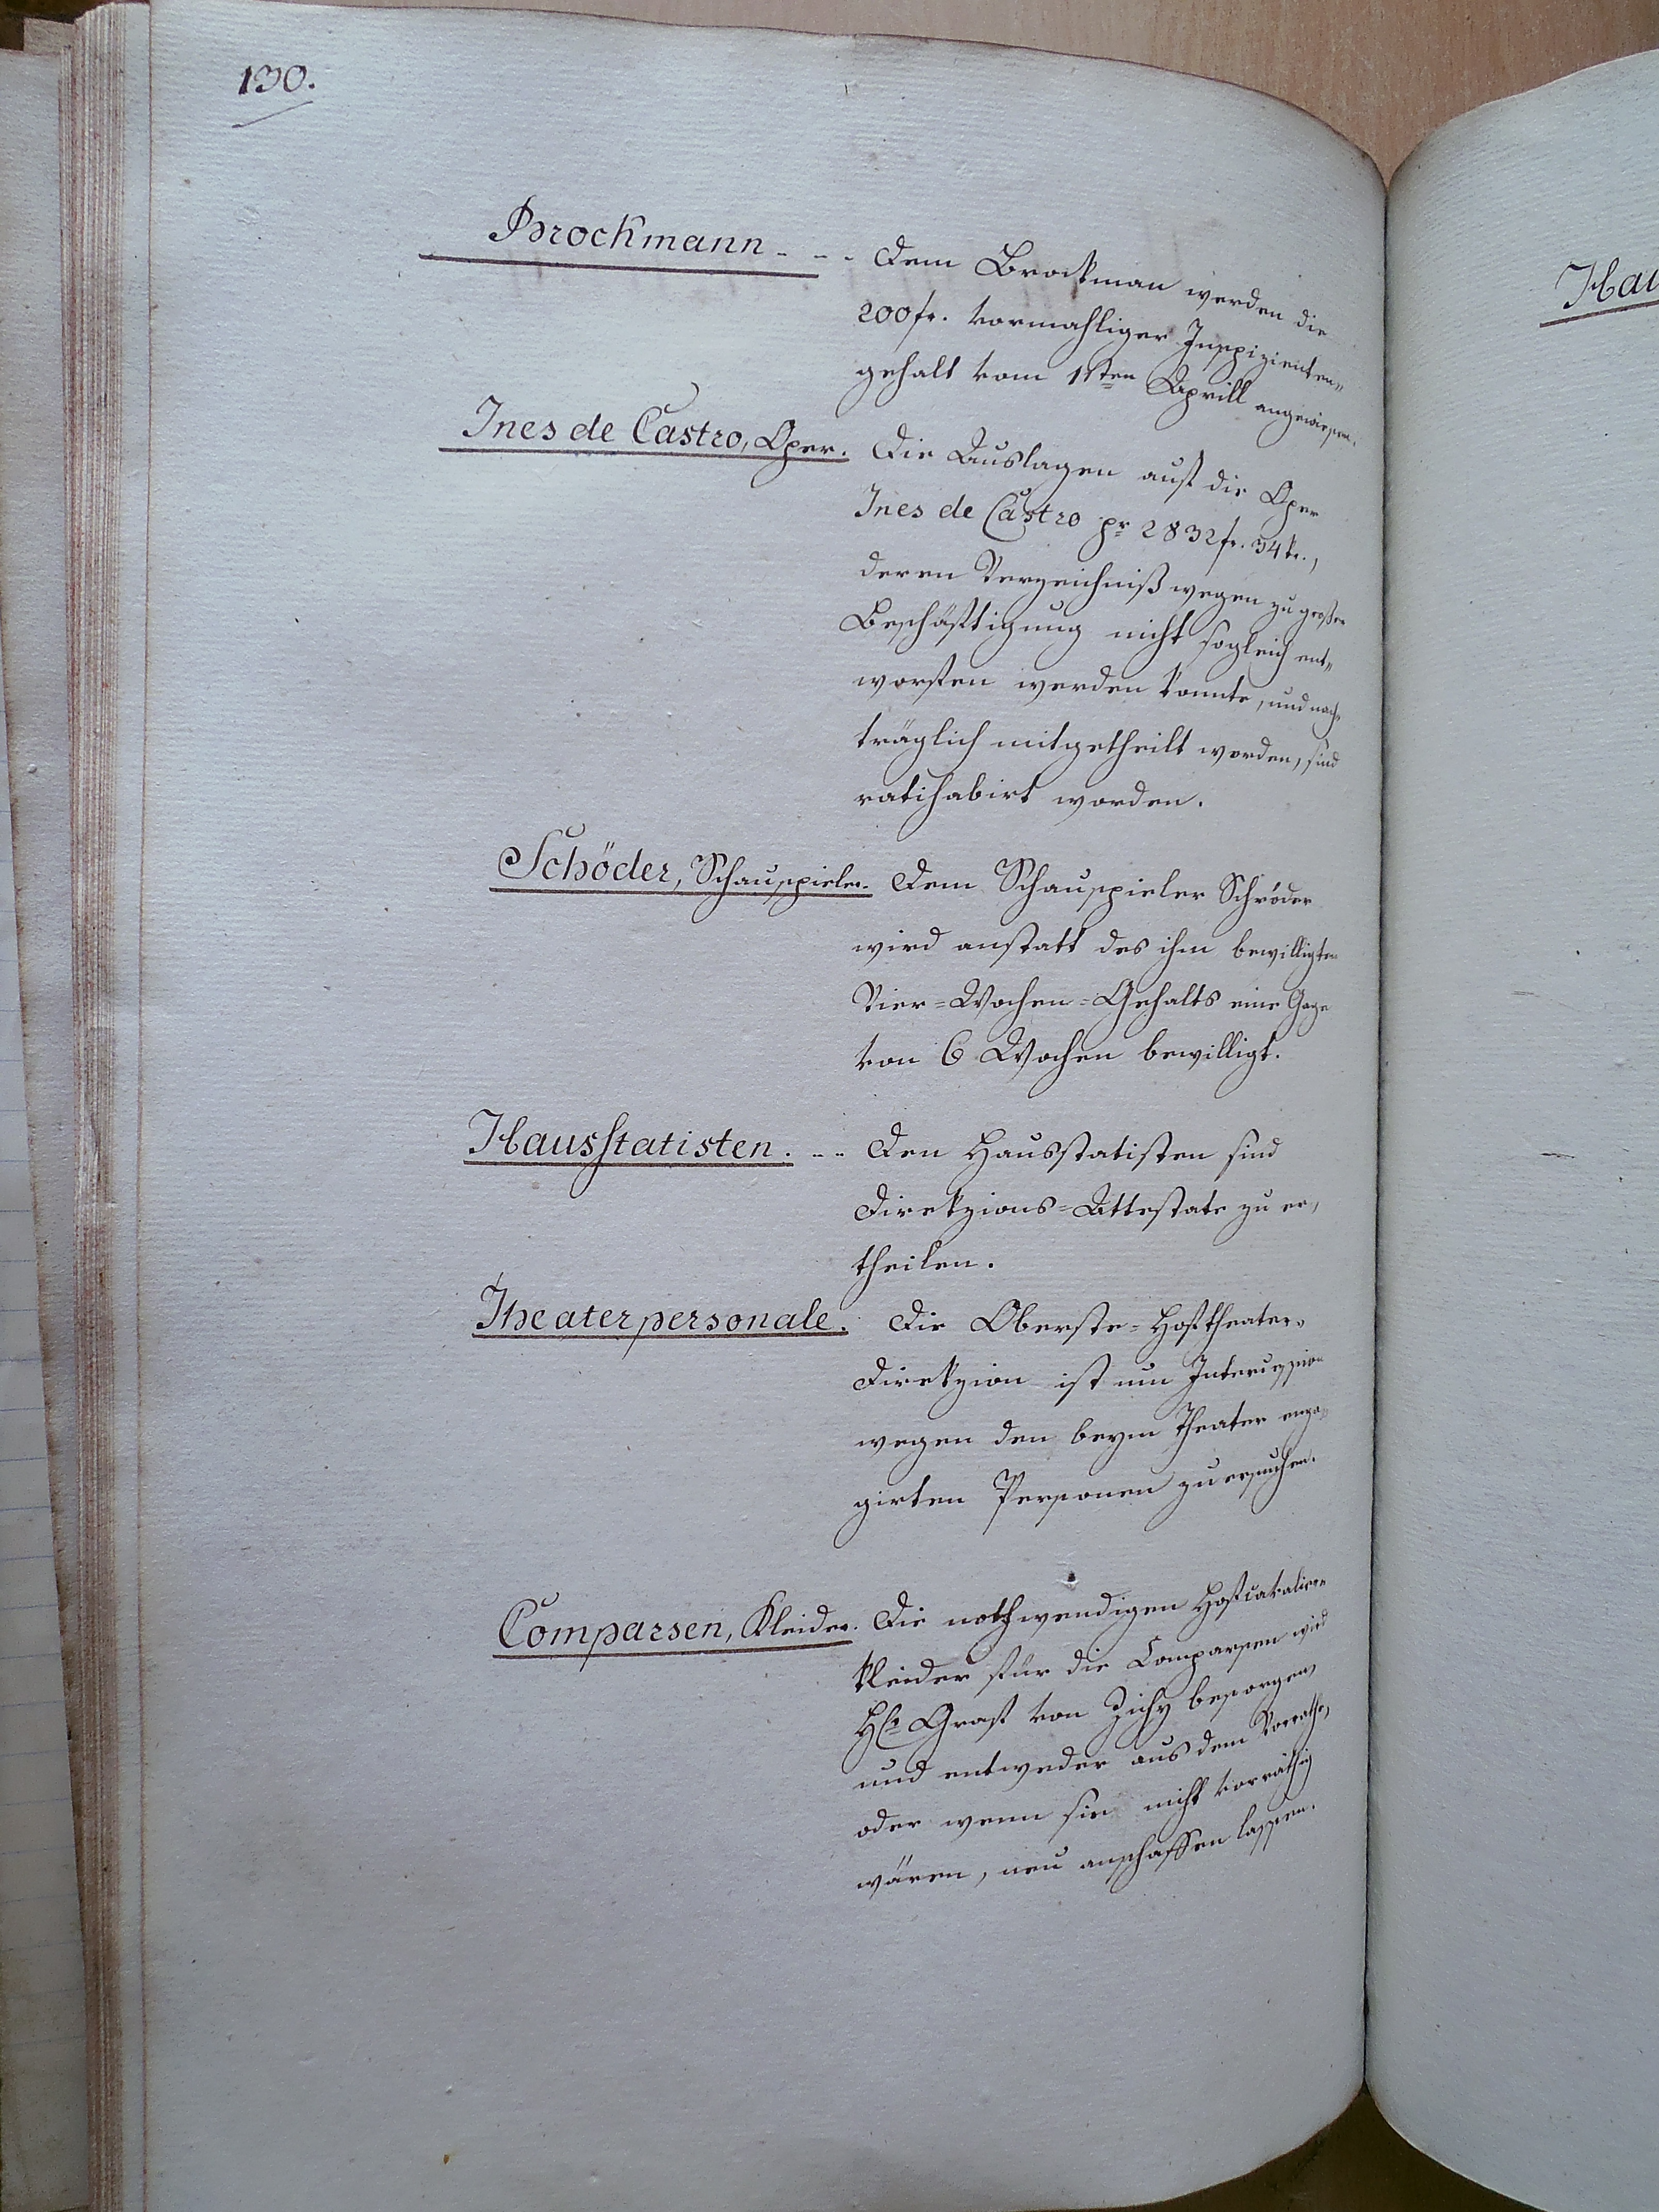130.
Brockmann .. .. .. Dem Brockman werden die
200fr. vormahliger Inspizienten¬
gehalt vom 1ste͇n Aprill engwiesen.
Ines de Castro, Oper. Die Auslagen auf die Oper
Ines de Castro pr͇ 2832fr. 34kr.,
deren Verzeichniß wegen zu großer
Beschäftigung nicht sogleich ent¬
worfen werden konnte, und nach¬
träglich mitgetheilt worden, sind
ratihabirt worden.
Schöder, Schauspieler. Dem Schauspieler Schöder
wird anstatt des ihm bewilligten
Vier=Wochen=Gehalts eine Gage
von 6 Wochen bewilligt.
Hausstatisten. .. .. Den Hausstatisten sind
Direkzions=Atestate zu er¬
theilen.
Theaterpersonale. Die Oberste=Hoftheater¬
Direkzion ist um Intercession
wegen den beym Theater enga¬
girten Personen zu ersuchen.
Comparsen, Kleider. Die nothwendigen Hofcavalire¬
kleider für die Comparsen wird
HEr͇ Graf von Zichy besorgen
und entweder aus dem Vorrathe,
oder wenn sie nicht vorräthig
wären, neu anschäffen lassen.